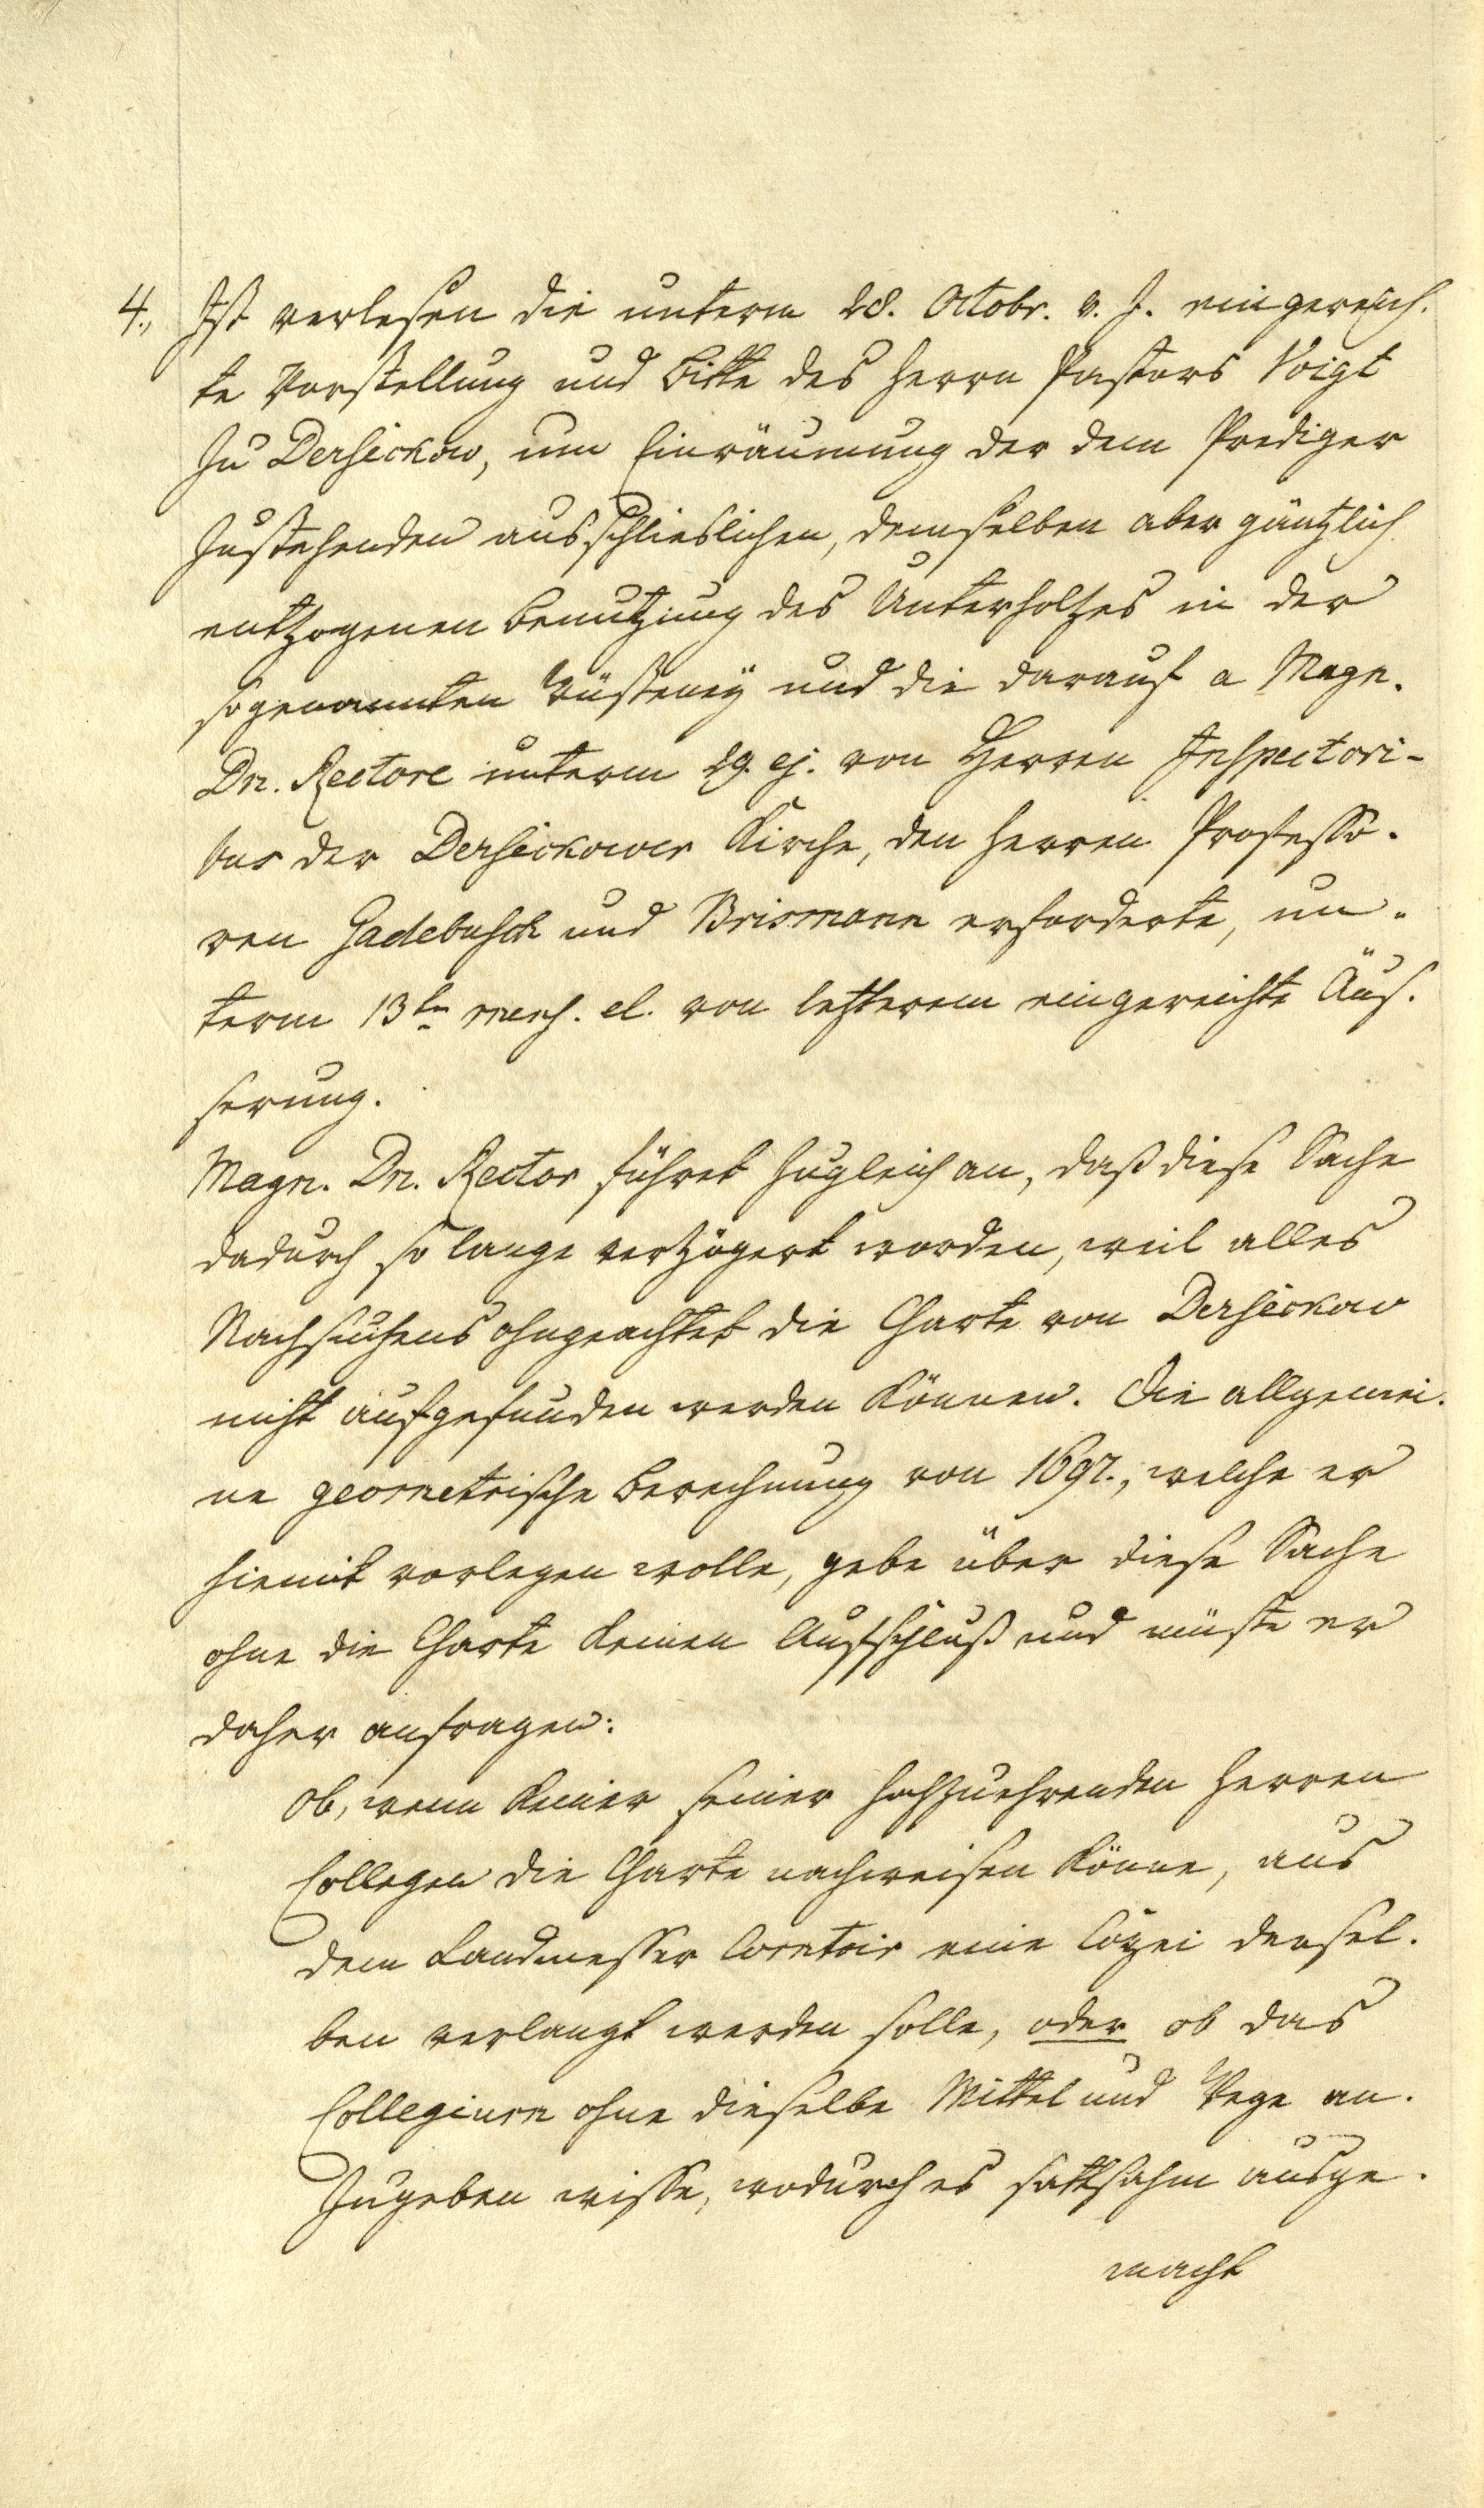4., Ist verlesen die unterm 28. Octobr. v. J. eingereich¬
te Vorstellung und Bitte des Herrn Pastors Voigt
zu Deseckow, um Einräumung der dem Prediger
zustehenden ausschlieslichen, demselben aber gäntzlich
entzogenen Benutzung des Unterholzes in der
so genannten Wüsteneÿ und die darauf a Magn.
Dn. Rectore unterm 29. ej. von Herren Inspectori¬
bus der Derseckower Kirche, den Herren Professo¬
ren Gadebusch und Brismann erforderte, un¬
term 13 ten mens. el. von letzterem eingereichte Äus¬
serung.
Magn. Dn. Rector führet zugleich an, daß diese Sache
dadurch so lange verzögert worden, weil alles
Nachsuchens ohngeachtet die Charte von Derseckow
nicht aufgefunden werden können. Die allgemei¬
ne geometrische Berechnung von 1697., welche er
hiemit vorlegen wolle, gebe über diese Sache
ohne die Charte keinen Aufschluß und müßte er
daher anfragen:
ob, wenn keiner seiner Hochzuehrenden Herren
Collegen die Charte nachweisen könne, aus
dem Landmesser Contoir eine Copei dersel¬
ben verlangt werden solle, oder ob das
Collegium ohne dieselbe Mittel und Wege an¬
zugeben wisse, wodurch es sattsahm ausge¬
macht